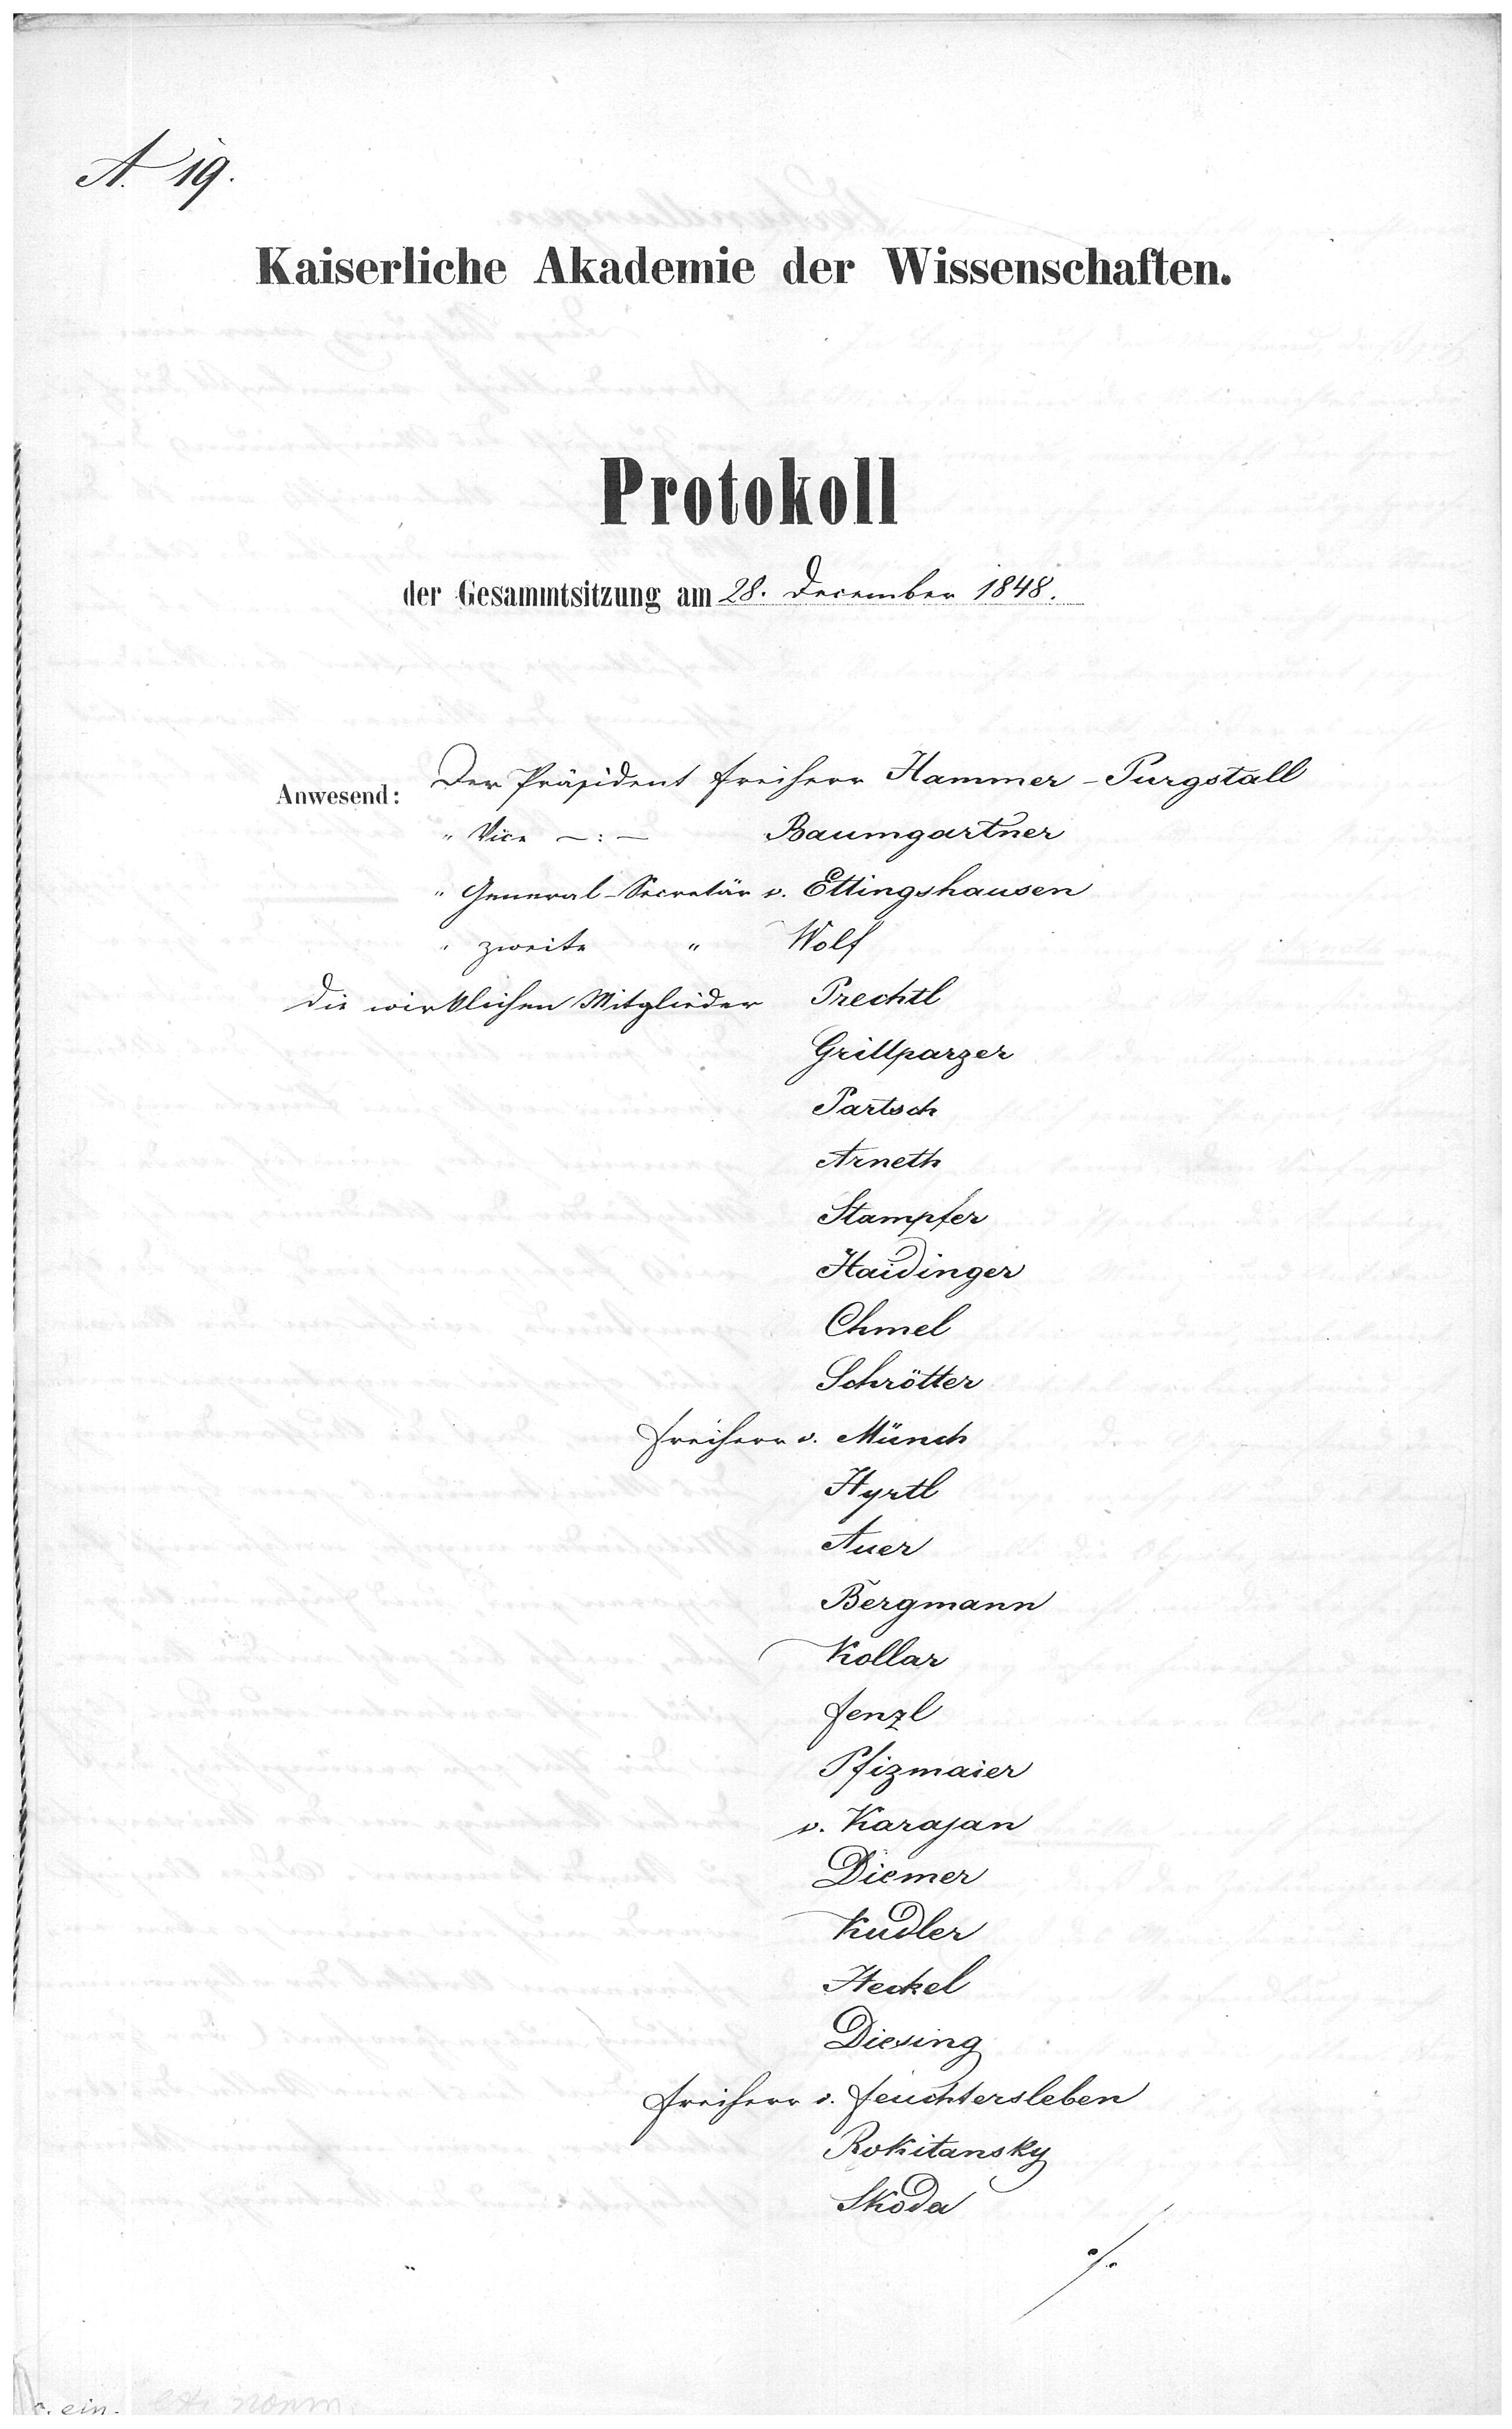A. 19.
Kaiserliche Akademie der Wissenschaften.
Protokoll
der Gesammtsitzung am 28. December 1848.
Der Präsident Freiherr Hammer-Purgstall
" Vice - - Baumgartner
" General-Secretär v. Ettingshausen
" zweite " Wolf
Anwesend:
Die wirklichen Mitglieder Prechtl
Grillparzer
Partsch
Arneth
Stampfer
Haidinger
Chmel
Schrötter
Freiherr v. Münch
Hyrtl
Auer
Bergmann
Kollar
Fenzl
Pfizmaier
v. Karajan
Diemer
Kudler
Heckel
Diesing
Freiherr v. Feuchtersleben
Rokitansky
Skoda